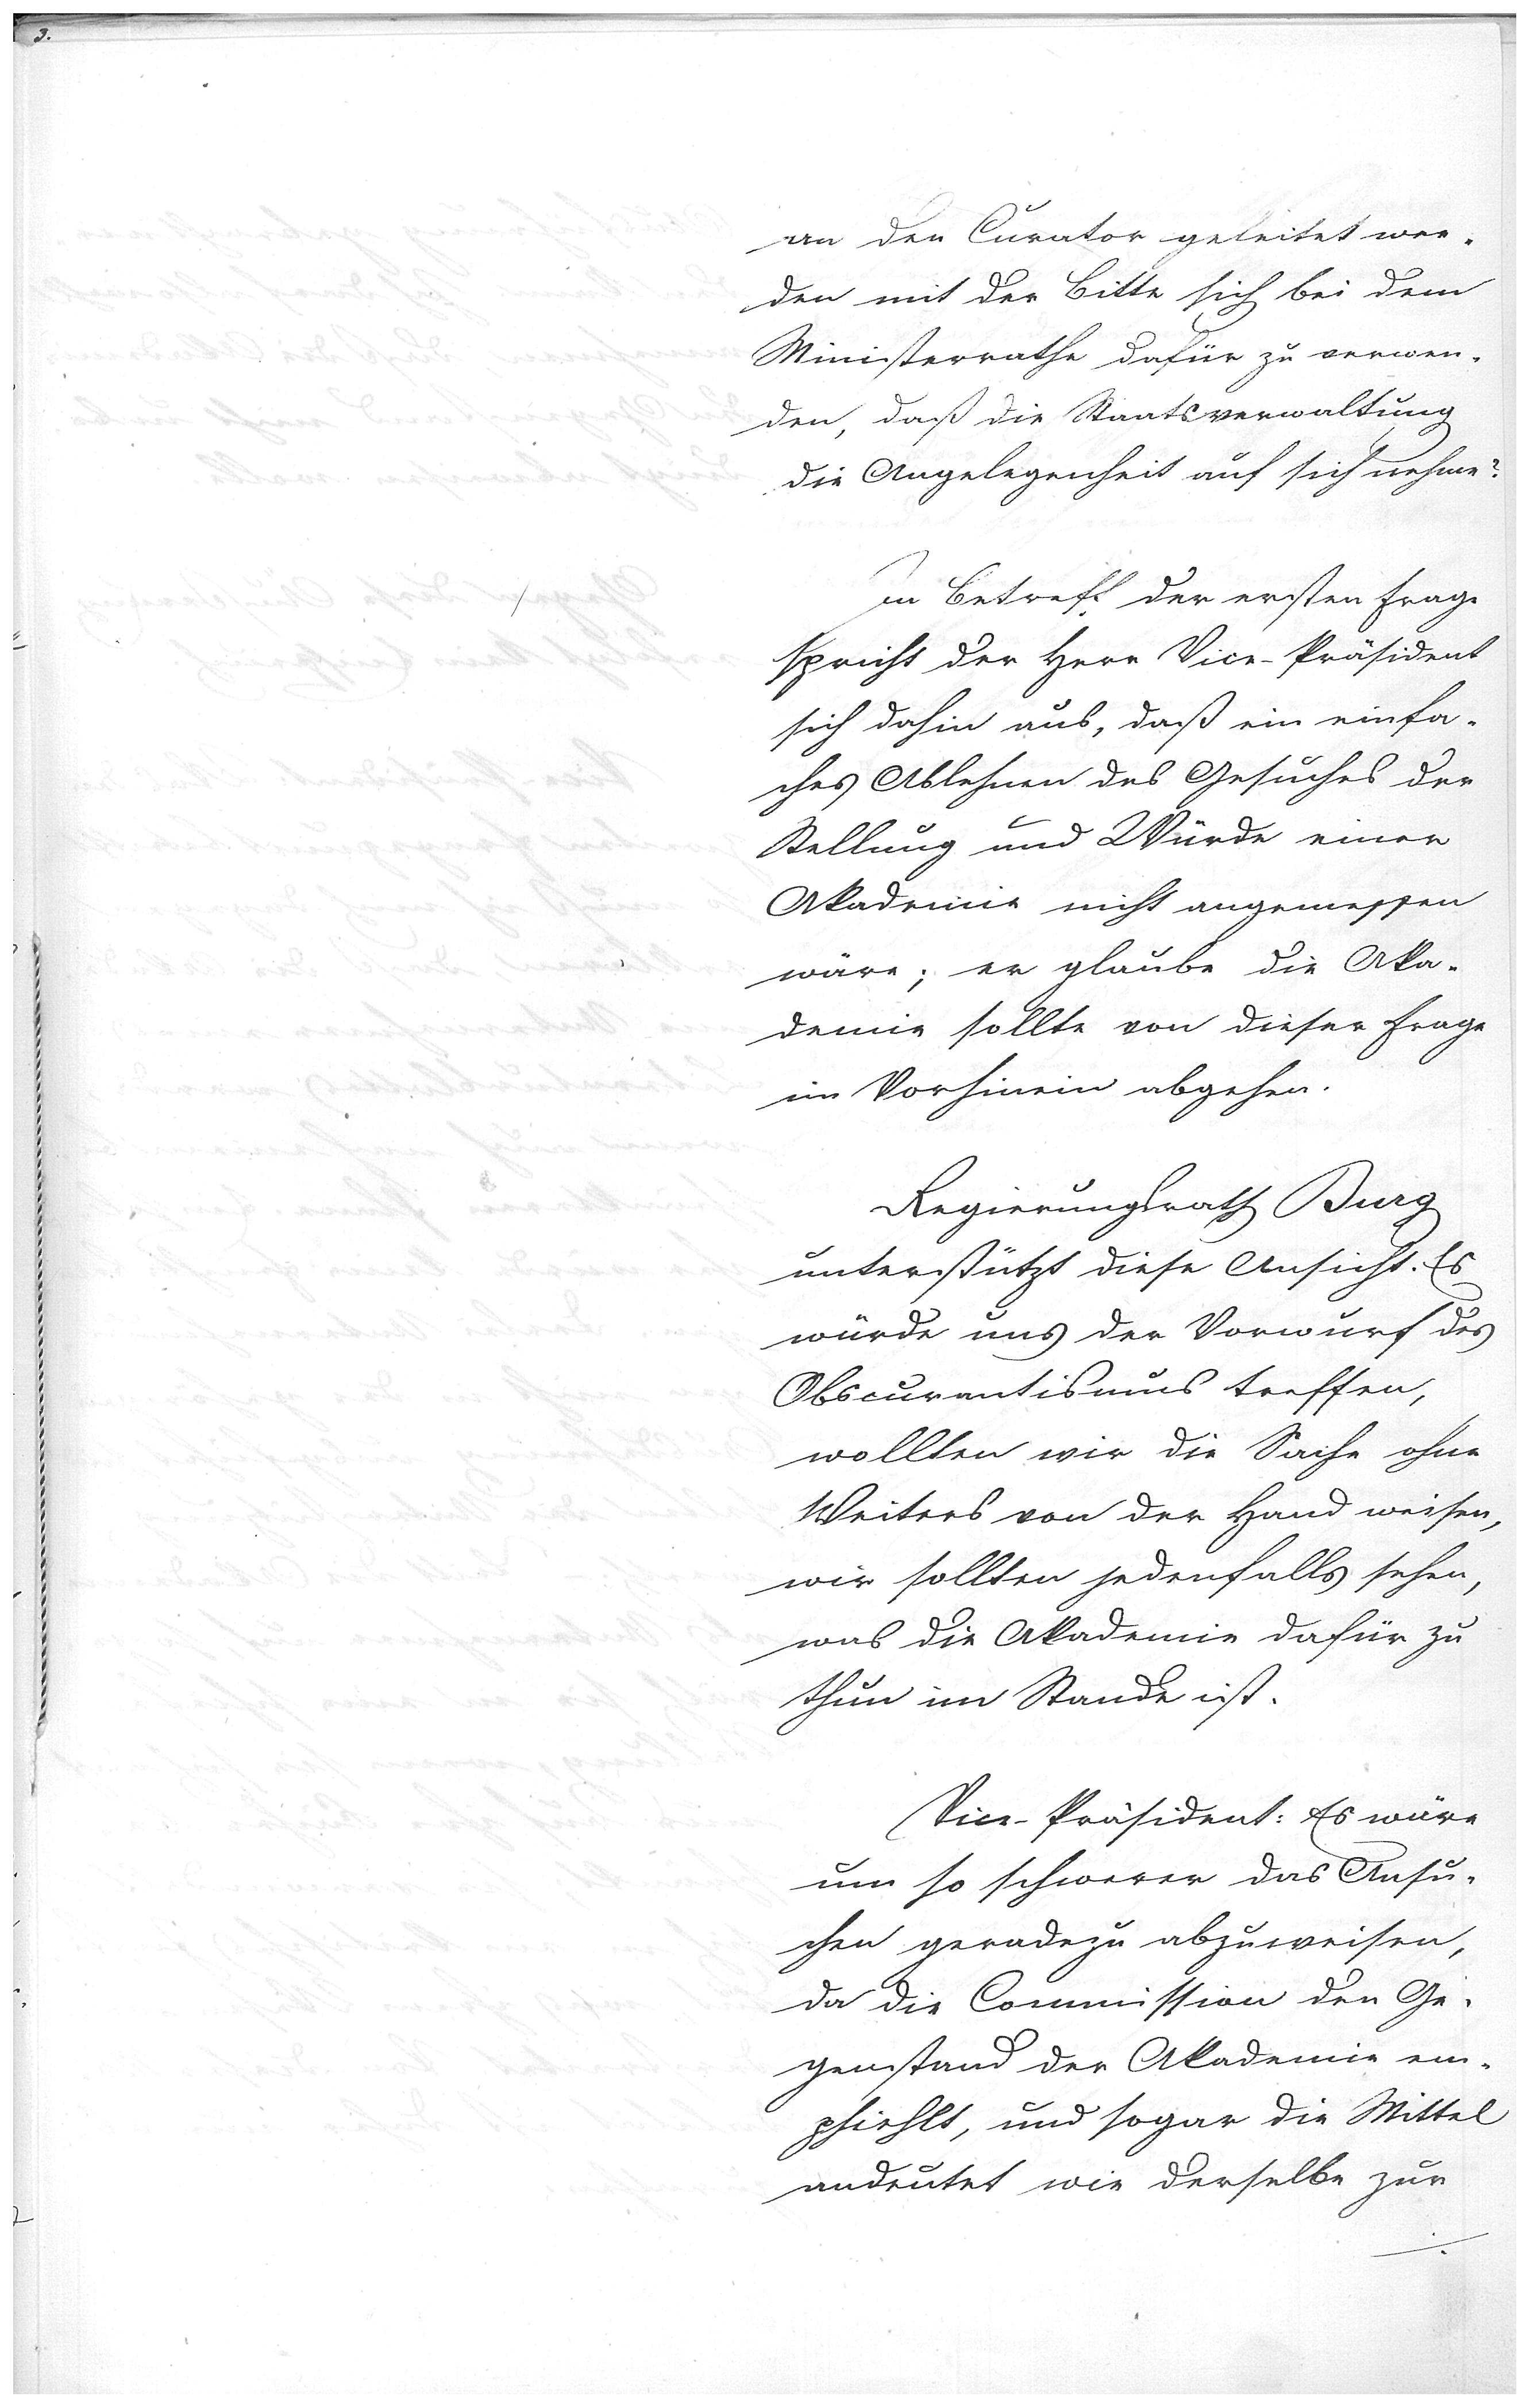an der Curator geleitet wer-
den mit der Bitte sich bei dem
Ministerrathe dafür zu verwen-
den, daß die Staatsverwaltung
die Angelegenheit auf sich nehme?
In Betreff der ersten Frage
spricht der Herr Vice-Präsident
sich dahin aus, daß ein einfa-
ches Ablesen des Gesuches der
Stellung und Würde einer
Akademie nicht angemessen
wäre; er glaube die Aka-
demie sollte von dieser Frage
im Vorhinein abgehen.
Regierungsrath Burg
unterstützt diese Ansicht. Es
würde uns der Vorwurf des
Obscurantismus treffen,
wollten wir die Sache ohne
Weiteres von der Hand weisen,
wir sollten jedenfalls sehen,
was die Akademie dafür zu
thun im Stande ist.
Vice-Präsident: Es wäre
um so schwerer das Ansu-
chen geradezu abzuweisen,
da die Commission der Ge-
genstand der Akademie em-
phiehlt, und sogar die Mittel
andeutet wie derselbe zur